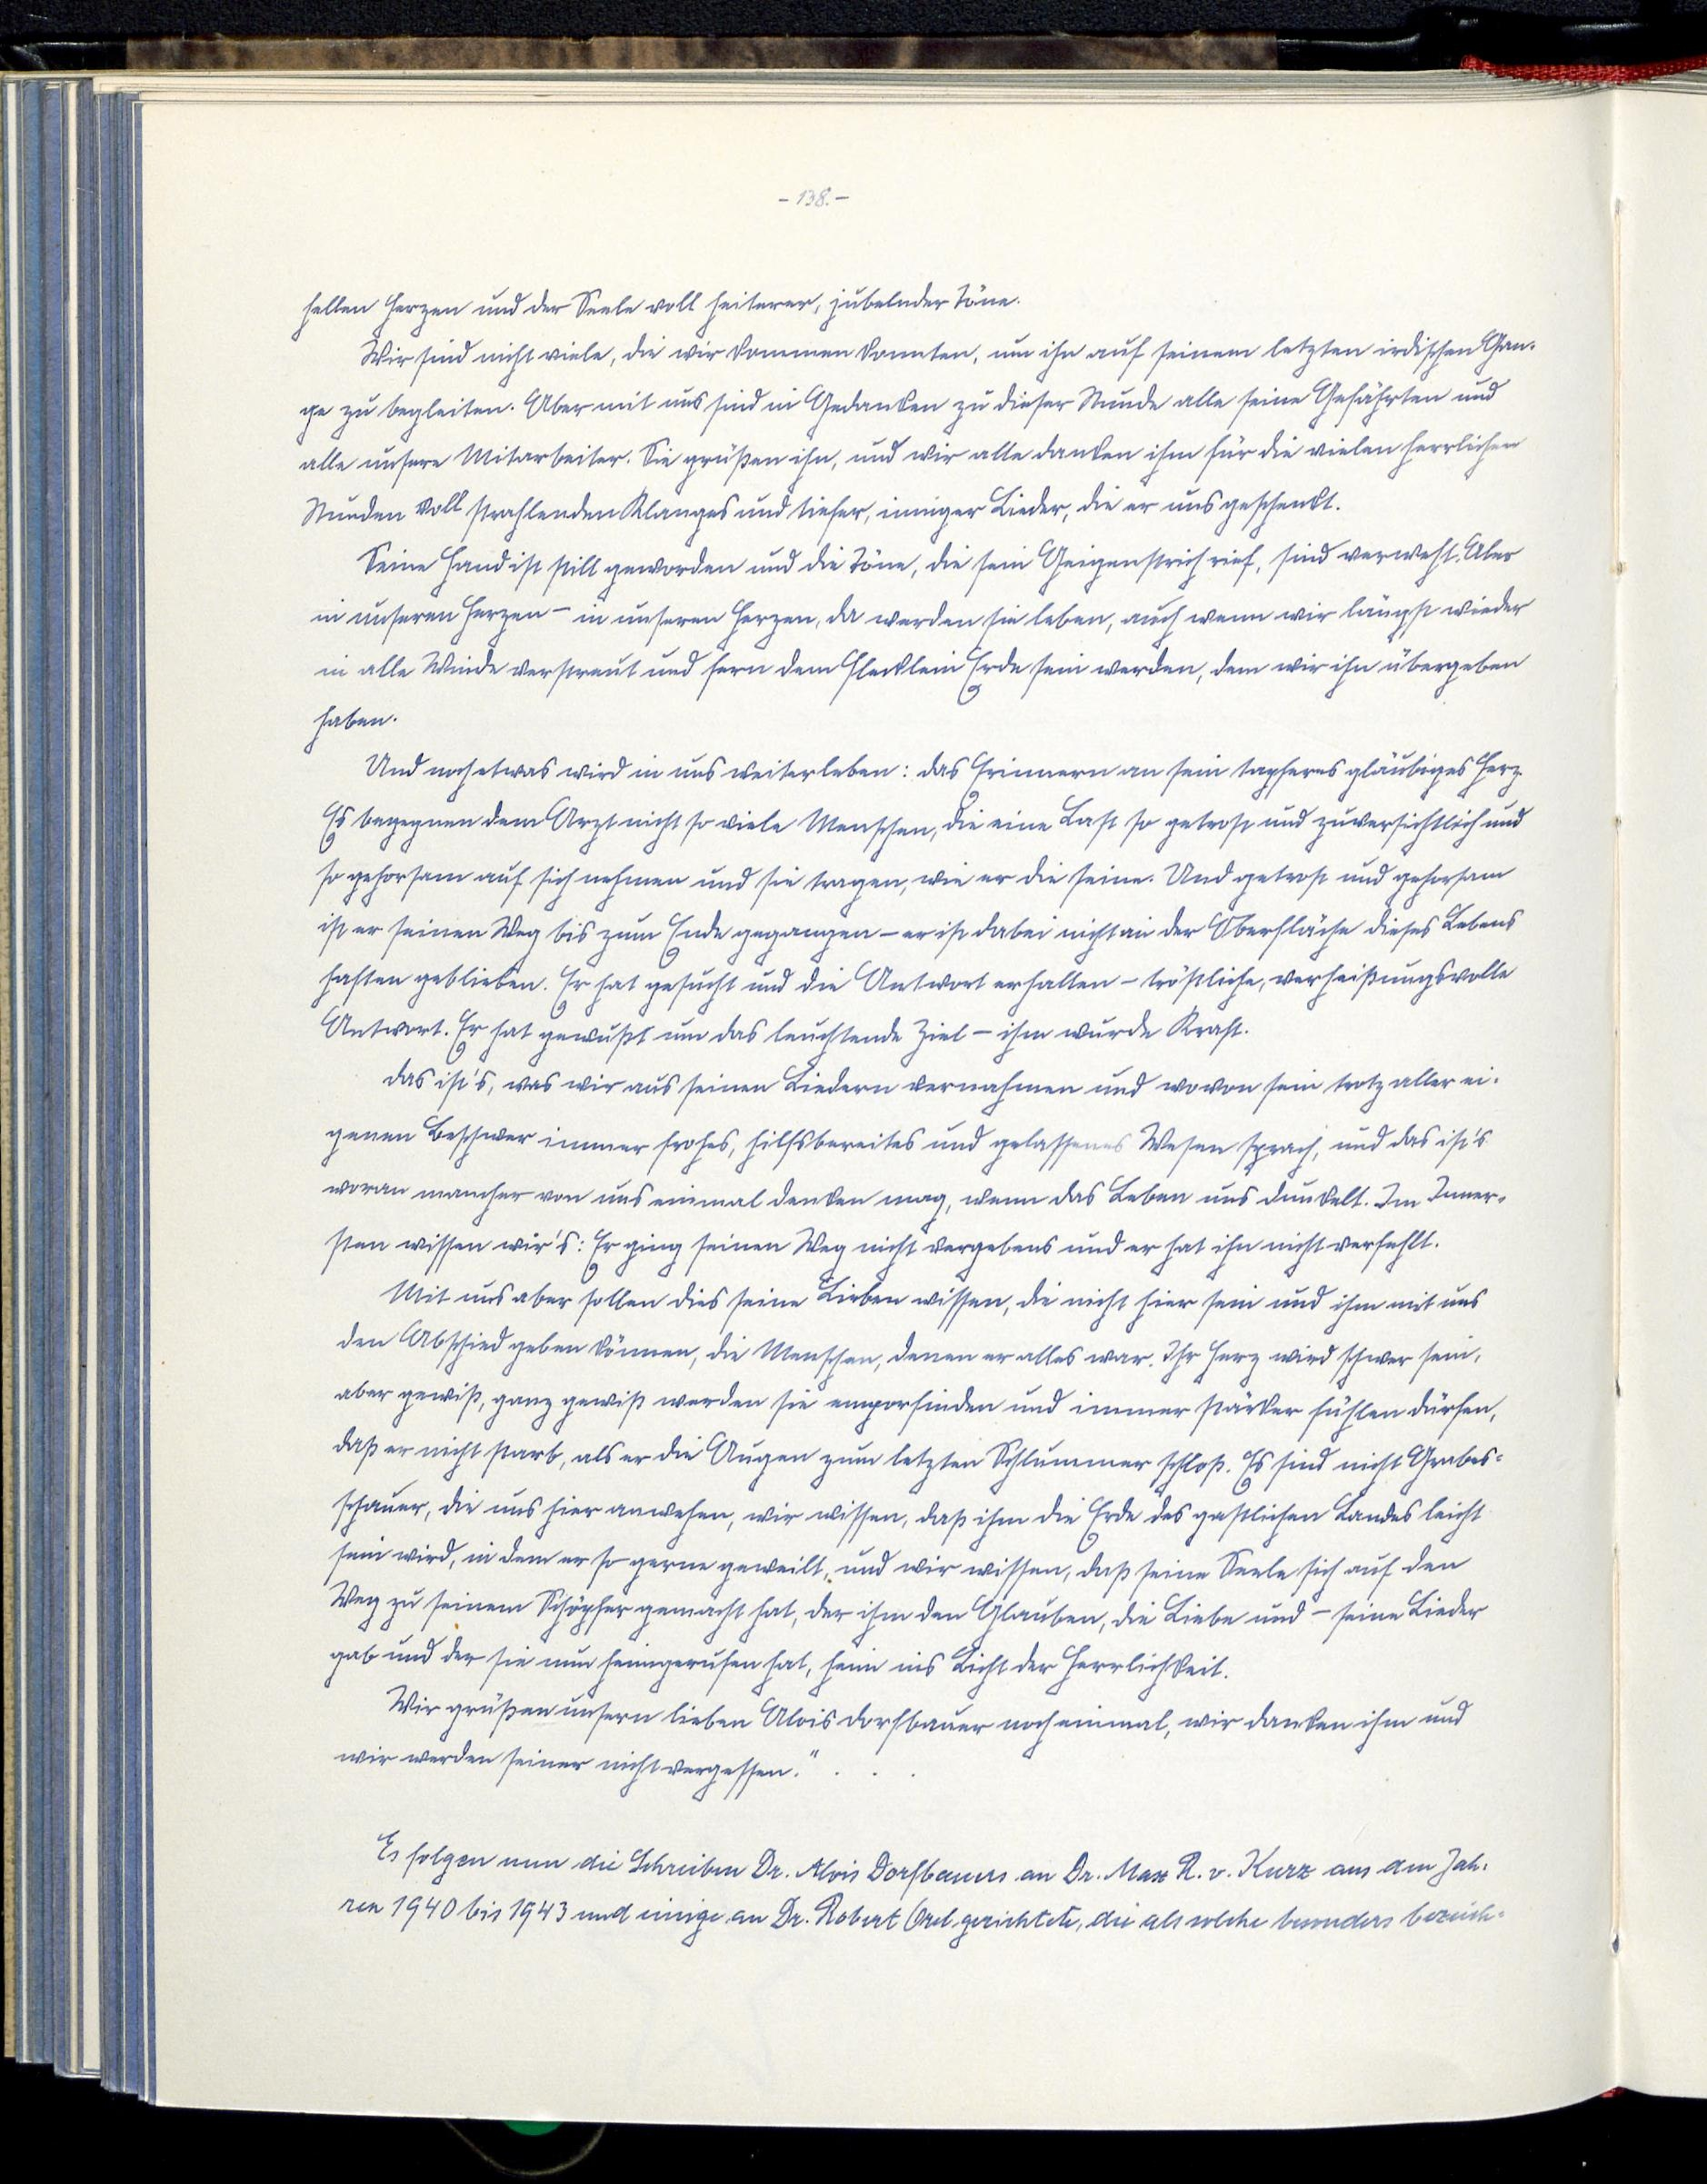138
hellen Herzen und der Seele voll heiterer, jubelnder Töne.
Wir sind nicht viele, die wir kommen konnten, um ihn auf seinem letzten irdischen Gang
ge zu begleiten. Aber mit uns sind in Gedanken zu dieser Stunde alle seine Gefährten und
alle unsere Mitarbeiter. Sie grüßen ihn, und wir alle danken ihm für die vielen herrlichen
Stunden voll strahlenden Klanges und tiefer, inniger Lieber, die er uns geschenkt.
Seine Hand ist still geworden und die Töne, die sein Geigenstrich rief, sind verweht. Aber
in unseren Herzen -in unseren Herzen, da werden sie leben, auch wenn wir längst wieder
in alle Wider verstreut und fern dem Flecklein Erde sein werden, dem wir ihn übergeben
haben.
Und noch etwas wird in uns weiterleben: Das Erinnern an sein tapferes gläubiges Herz.
Es begegnen dem Arzt nicht so viele Menschen, die eine Last so getrost und zuversichtlich und
so gehorsem auf sich nehmen und sie tragen, wie er die seine. Und getrost und gehorsam
ist er seinen Weg bis zum Ende gegangen- er ist dabei nicht an der Oberfläche dieses Lebens
haften geblieben. Er hat gesucht und die Antwort erhalten.- tröstliche, verheißungsvolle
Antwort. Er hat gewußt um das leuchtende Ziel- ihm wurde Kraft.
Das ist's, was wir aus seinem Leiden vernahmen und wovon sein trotz aller ei-
genen Beschwer immer frohes, hilfsbereites und gelassenes Wesen sprach, und das ist's
woran mancher von und einmal denken mag, wenn das Leben uns dunkelt. Im Inner-
sten wissen wir's. Er ging seinen Weg nicht vergebens und er hat ihn nicht verfehlt.
Mit uns aber sollen dies seine Lieben wissen, die nicht hier sein und ihm mit uns
den Abschied geben können, die Menschen, denen er alles war. Ihr Herz wird schwer sein,
aber gewiß, ganz gewiß werden sie emporfinden und immer starker fühlen dürfen,
dass er nicht starb, als er die Augen zum letzten Schlummer schloß. Es sind nicht Grabes-
schauer, die uns hier anwehen, wir wissen, dass ihm die Erde des gastlichen Landes leicht
sein wird, in dem er so gerne geweilt „und wir wissen, daß seine Seele sich auf den
Wer zu seinem Schöpfer gemacht hat, der ihm den Glauben, die Liebe und - seine Lieder
gab und der sie nun heimgerufen hat, heim ins Licht der Herrlichkeit.
Wir grüßen unseren lieben Alois Dorfbauer noch einmal, wir danken ihm und
wir werden seiner nicht vergessen
Es folgen nun die Schreiben Dr. Alois Dorfbauers an Dr. Max R. v. Kurz aus den Jah-
ren 1940 bis 1943 und einige an Dr. Robert Orel gerichteten, die als solcher besonders bezeich-